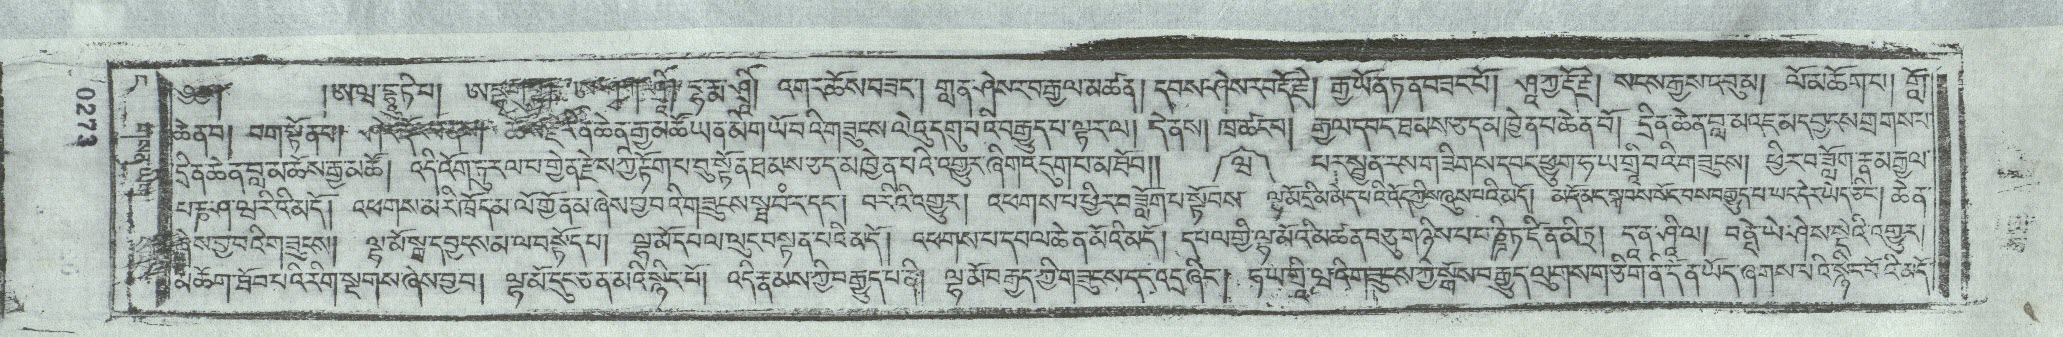༄༅། །ཨ་ཝ་དྷཱུ་ཏི་པ། ཨ་དྷཱུ་གུཔྟ། ཨ་ཤྭ་ཀ་ཤྲཱི། དྷ་རྨ་ཤྲཱི། འགར་ཆོས་བཟང་། གླན་ཤེས་རབ་རྒྱལ་མཚན། དབས་ཤེས་རབ་རྡོ་རྗེ། རྒྱ་ཡོན་ཏན་བཟང་པོ། ཤཱཀྱ་རྡོ་རྗེ། སངས་རྒྱས་འབུམ། ལོ་མཆོག་པ། གློ་
ཆེན་བ། བག་སྟོན་པ། ཤེར་རྡོར་པ་ནས། ཆོས་རྗེ་རིན་ཆེན་རྒྱ་མཚོ་ཡན་མི་གཡོ་བའི་གཟུངས་ལེའུ་དགུ་པའི་བརྒྱུད་པ་ལྟར་ལ། དེ་ནས། ཁྲ་ཚང་པ། རྒྱལ་དབང་ཐམས་ཅད་མཁྱེན་པ་ཆེན་པོ། དྲིན་ཆེན་བླ་མ་འཇམ་དབྱངས་གྲགས་པ་
དྲིན་ཆེན་བླ་མ་ཆོས་རྒྱ་མཚོ། འདི་འོག་ཏུ་རལ་པ་གྱེན་རྗེས་ཀྱི་རྟོག་པ་བུ་སྟོན་ཐམས་ཅད་མཁྱེན་པའི་འགྱུར་ཞིག་འདུག་པ་མ་ཐོབ།། {ཝ}་པར་སྤྱན་རས་གཟིགས་དབང་ཕྱུག་ཧ་ཡ་བྲཱི་བའི་གཟུངས། ཕྱིར་བཟློག་རྣམ་རྒྱལ་
པ་རྞ་ཤ་ཝ་རིའི་མདོ། འཕགས་མ་རི་ཁྲོད་མ་ལོ་གྱོན་མ་ཞེས་བྱ་བའི་གཟུངས་སྠ་བཾ་ར་དང་། བ་རིའི་འགྱུར། འཕགས་པ་ཕྱིར་བཟློག་པ་སྟོབས། ལྷ་མོ་དྲི་མ་མེད་པའི་འོད་ཀྱིས་ཞུས་པའི་མདོ། མདོ་མང་སྐབས་སོང་བས་བརྒྱུད་པ་ཡང་དེར་ཡོད་ཅིང་། ཆེན་
ཞེས་བྱ་བའི་གཟུངས། ལྷ་མོ་སྒྲ་དབྱངས་མ་ལ་བསྟོད་པ། ལྷ་མོ་དབལ་ལུང་བསྟན་པའི་མདོ། འཕགས་པ་དཔལ་ཆེན་མོའི་མདོ། དཔལ་གྱི་ལྷ་མོའི་མཚན་བཅུ་གཉིས་པ་པཎྜི་ཏ་ཛིན་མི་ཏྲ། དཱ་ན་ཤཱི་ལ། བེནྡ་ཡེ་ཤེས་སྡེའི་འགྱུར།
མཆོག་ཐོབ་པའི་རིག་སྔགས་ཞེས་བྱ་བ། ལྷ་མོ་དུང་ཅན་མའི་སྙིང་པོ། འདི་རྣམས་ཀྱི་བརྒྱུད་པ་ནི། ལྷ་མོ་བརྒྱད་ཀྱི་གཟུངས་དང་འདྲ་ཞིང་། ཧ་ཡ་གི་ཝའི་གཟུངས་ཀྱི་སྒོས་བརྒྱུད་ལུགས་གཅིག་ནི་དོན་ཡོད་ཞགས་པའི་སྙིང་བོའི་མདོ་